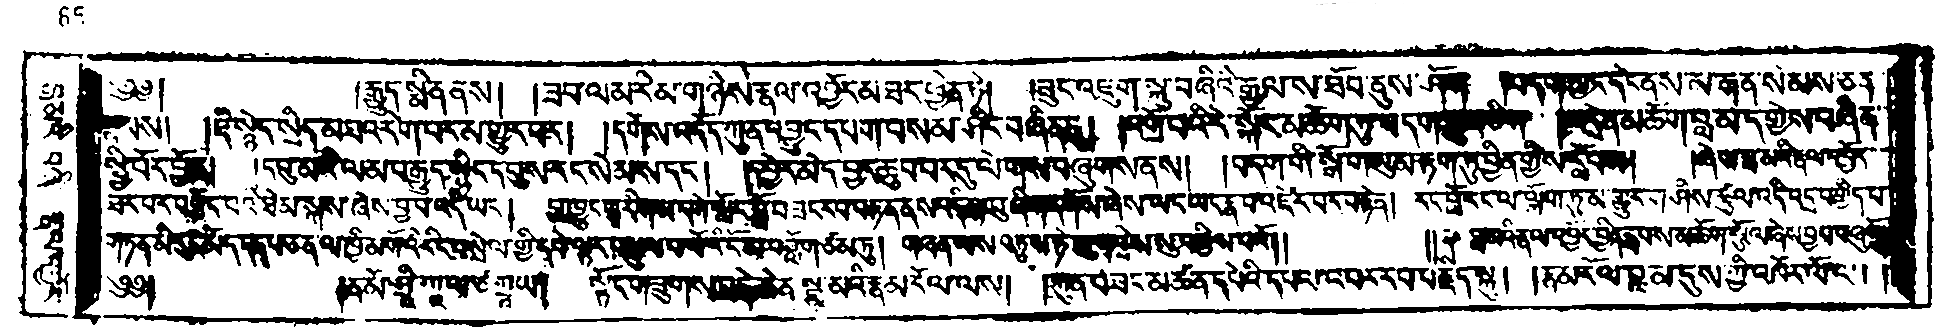༄༅། །རྒྱུད་སྨིན་ནས། །ཟབ་ལམ་རིམ་གཉིས་རྣལ་འབྱོར་མཐར་ཕྱིན་ཏེ། །ཟུང་འཇུག་སྐུ་བཞིའི་རྒྱལ་ས་ཐོབ་ནུས་ཤོག །བདག་ཀྱང་དེང་ནས་མ་རྒན་སེམས་ཅན་
རྣམས། །ཇི་སྙེད་སྲིད་མཐའ་རེག་པར་མ་གྱུར་བར། །དགོས་འདོད་ཀུན་འབྱུང་དཔག་བསམ་ཤིང་བཞིན་དུ། །འགྲོ་བའི་རེ་སྐོང་མཆོག་ཏུ་བདག་གྱུར་ཅིག །འདྲེན་མཆོག་བླ་མ་དགྱེས་བཞིན་
སྤྱི་བོར་བྱོན། །དབུ་མའི་ལམ་བརྒྱུད་སྙིང་དབུས་རང་སེམས་དང་། །དབྱེར་མེད་བྱང་ཆུབ་བར་དུ་ལེགས་བཞུགས་ནས། །བདག་གི་སྒོ་གསུམ་རྟག་ཏུ་བྱིན་གྱིས་རློབས། །ཞེས་བླ་མའི་རྣལ་འབྱོར་
ཐར་པར་བགྲོད་པའི་ཐེམ་སྐས་ཞེས་བྱ་བ་འདི་ཡང་། བྱ་ཁྱུང་གྲྭ་རིགས་དགེ་སློང་བློ་བཟང་རབ་བརྟན་ནས་འདི་ལྟ་བུ་ཞིག་དགོས་ཞེས་ཡང་ཡང་རྣ་བ་འཛེར་བར་བརྟེན། རང་བློ་རང་ལ་ལྐོག་ཏུ་མ་གྱུར་གཤིས་ཚུལ་འདི་འདྲ་བགྱིད་པ་
གཏན་མི་རུང་མོད་དད་པ་ཅན་ལ་ཁྱི་མགོའི་རིང་བསྲེལ་གྱི་དཔེ་ལྟར་བསྐུལ་བ་པོའི་ངོ་མ་བཟློག་ཙམ་ཏུ། གཞན་ལས་བཏུས་ཏེ་སུག་བྲིས་སུ་བགྱིས་པའོ།། །།༈ བླ་མའི་རྣལ་འབྱོར་བྱིན་རླབས་མཆོག་སྩོལ་ཞེས་བྱ་བ་བཞུགས་སོ། །
༄༅། །ན་མོ་ཤྲཱི་ཀཱ་ལ་ཙ་ཀྲཱ་ཡ། སྟོང་གཟུགས་བདེ་ཆེན་སྒྱུ་མའི་རྣམ་རོལ་ལས། །ཀུན་བཟང་མཚན་དཔེའི་དཔལ་འབར་རབ་བརྗིད་སྐུ། །རྣམ་རོལ་བླ་མ་དུས་ཀྱི་འཁོར་ལོ་ལ། །